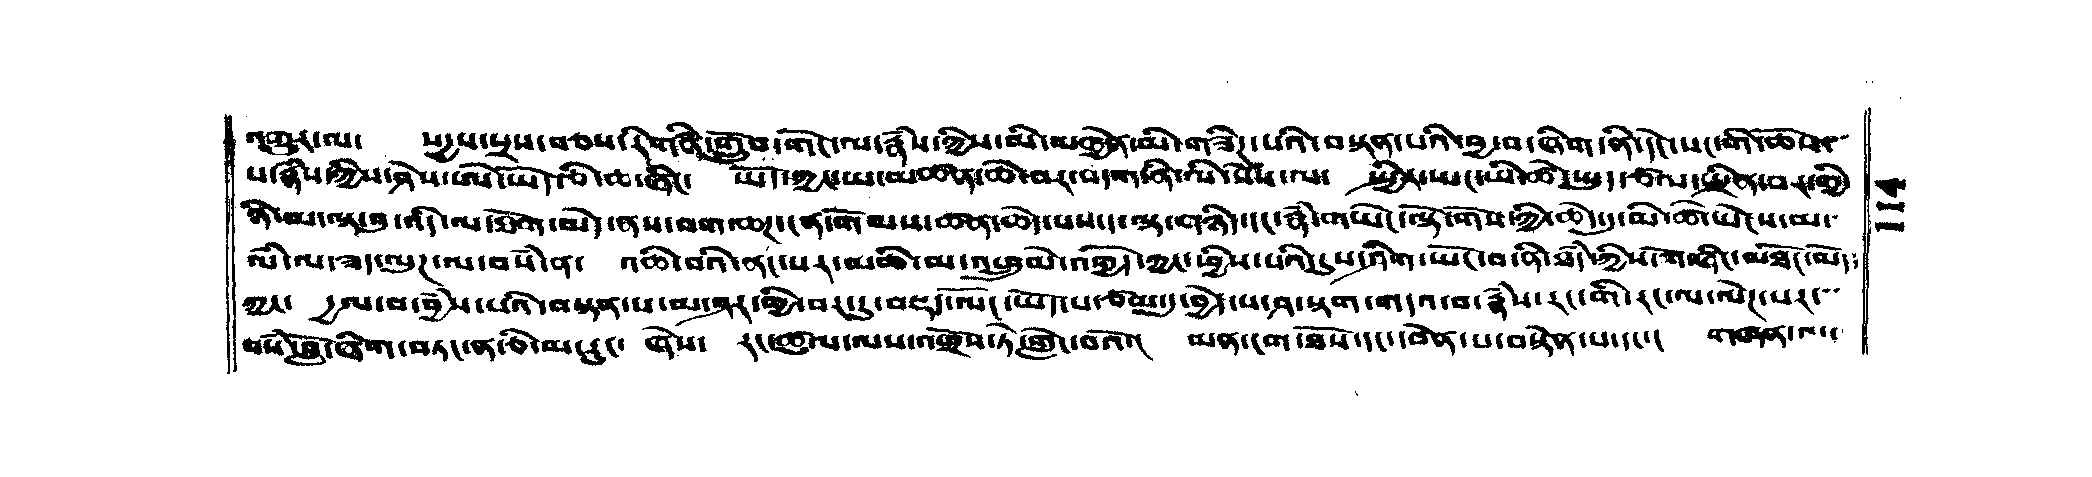འགྱུར་ལ། སངས་རྒྱས་སྲས་བཅས་རིག་འཛིན་གྲུབ་ཐོབ་གོང་མ་རྣམས་ཀྱིས་མི་མཁྱེན་མི་གཟིགས་པའི་བསྟན་པའི་བྱ་བ་ཞིག་ནི་དེང་སང་གི་ཆོས་
པ་རྣམས་ཀྱིས་ཤེས་ཨེ་ཡོད་ཅི་ཆ་ཞིང་། ཡོད་ཀྱང་ཡ་མཚན་ཆེ་བར་བདག་ནི་མི་སེམས་ལ། སྤྱིར་ཡང་མི་ཚེ་ཡུད་ཙམ་སྤྲིན་བར་གྱི་
ཉི་མ་ལྟ་བུ་འདི་ལ་ཐོག་མེད་ནས་བག་ཆགས་ལ་གོམས་ཚན་ཆེ་པས་ད་ལྟ་གཉིད་དང་རྣམ་གཡེང་ལྟོ་གོས་ཀྱི་ཆེད་དུ་མི་ཚེ་ཡེངས་མ་
ལམ་ལ་ཟད་ལུགས་ལ་བསམ་ན། འཆི་བའི་ནང་པར་མཆི་མ་འཕྲུལ་མེ་འགྱོད་ཀྱང་ཕྱིས་པའི་དུས་ཤིག་ཡོང་བ་ནི་ཐམས་ཅད་ཀྱིས་གོ་ཞིང་མཐོང་མོད་
ཀྱང་། རྒྱལ་བ་བྱམས་པའི་བསྟན་པ་མ་ཤར་གྱི་བར་དུ་བསྡད་ལོང་ཡོད་པ་ཙམ་དུ་བྱེད་པ་ཤ་སྟག་གདའ་བ་རྣམས་རང་གི་རང་ལ་ལེགས་པར་
བསམ་བློ་ཞིག་བཏང་ན་ཅི་མ་རུང་ཞེས། རང་ཚུལ་ལས་འཕྲོས་ཏེ་གླེང་བའོ།། མན་ངག་ཐོས་དང་དབེན་པ་བསྟེན་པ་དང་། །གཞན་ལ་